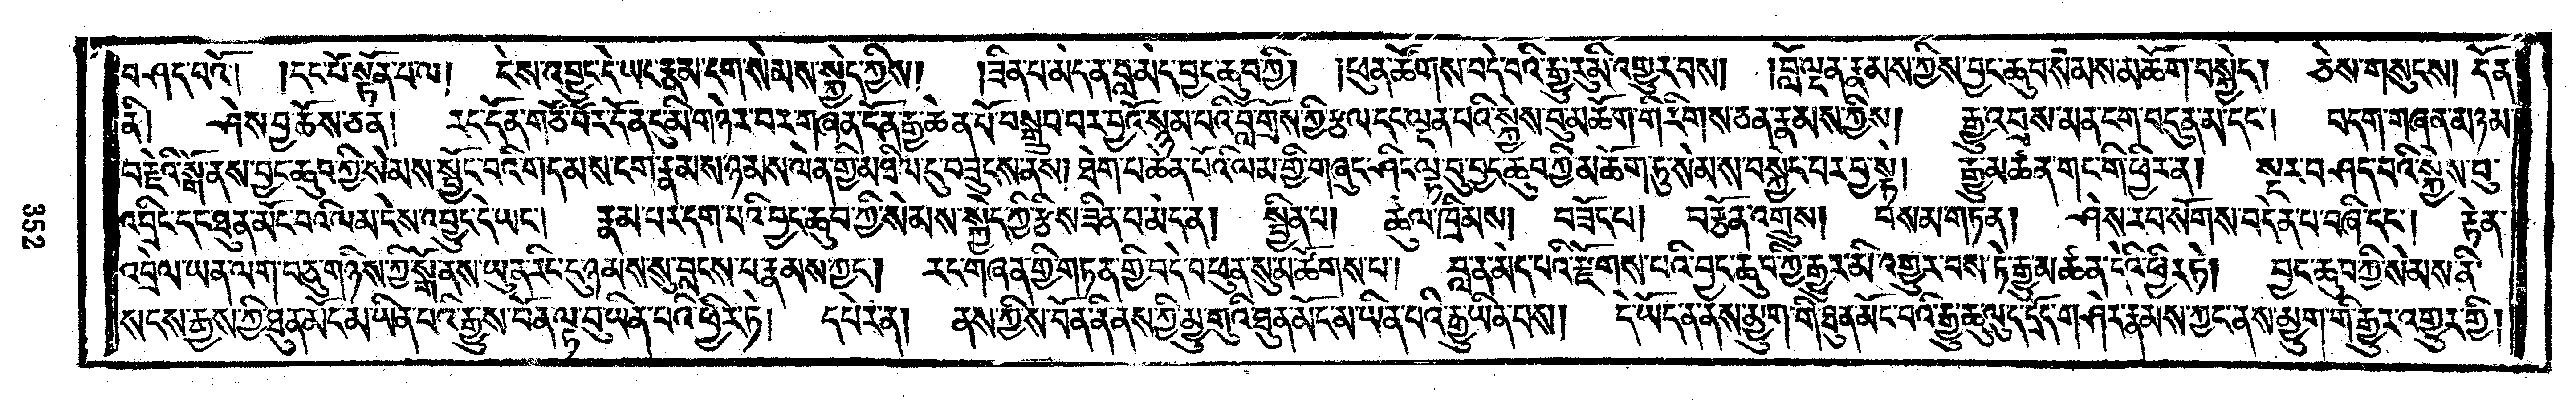བཤད་བའོ། །དང་པོ་སྟོན་པ་ལ། ངེས་འབྱུང་དེ་ཡང་རྣམ་དག་སེམས་སྐྱེད་ཀྱིས། །ཟིན་པ་མེད་ན་བླ་མེད་བྱང་ཆུབ་ཀྱི། །ཕུན་ཚོགས་བདེ་བའི་རྒྱུ་རུ་མི་འགྱུར་བས། །བློ་ལྡན་རྣམས་ཀྱིས་བྱང་ཆུབ་སེམས་མཆོག་བསྐྱེད། ཅེས་གསུངས། དོན་
ནི། ཤེས་བྱ་ཆོས་ཅན། རང་དོན་གཙོ་བོར་དོན་དུ་མི་གཉེར་བར་གཞན་དོན་རྒྱ་ཆེན་པོ་བསྒྲུབ་བར་བྱའོ་སྙམ་པའི་བློ་གྲོས་ཀྱི་རྩལ་དང་ལྡན་པའི་སྐྱེས་བུ་མཆོག་གི་རིགས་ཅན་རྣམས་ཀྱིས། རྒྱུ་འབྲས་མན་ངག་བདུན་མ་དང་། བདག་གཞན་མཉམ་
བརྗེའི་སྒོ་ནས་བྱང་ཆུབ་ཀྱི་སེམས་སྦྱོང་བའི་གདམས་ངག་རྣམས་ཉམས་ལེན་གྱི་མཐིལ་དུ་བཟུངས་ནས། ཐེག་པ་ཆེན་པོའི་ལམ་གྱི་གཞུང་ཤིང་ལྟ་བུ་བྱང་ཆུབ་ཀྱི་མཆོག་ཏུ་སེམས་བསྐྱེད་པར་བྱ་སྟེ། རྒྱུ་མཚན་གང་གི་ཕྱིར་ན། སྔར་བཤད་པའི་སྐྱེས་བུ་
འབྲིང་དང་ཐུན་མོང་བའི་ལམ་ངེས་འབྱུང་དེ་ཡང་། རྣམ་པར་དག་པའི་བྱང་ཆུབ་ཀྱི་སེམས་སྐྱེད་ཀྱི་རྩིས་ཟིན་པ་མེད་ན། སྦྱིན་པ། ཚུལ་ཁྲིམས། བཟོད་པ། བརྩོན་འགྲུས། བསམ་གཏན། ཤེས་རབ་སོགས་བདེན་པ་བཞི་དང་། རྟེན་
འབྲེལ་ཡན་ལག་བཅུ་གཉིས་ཀྱི་སྒོ་ནས་ཡུན་རིང་དུ་ཉམ་སུ་བླངས་པ་རྣམས་ཀྱང་། རང་གཞན་གྱི་གཏན་གྱི་བདེ་བ་ཕུན་སུམ་ཚོགས་པ། བླ་ན་མེད་པའི་རྫོགས་པའི་བྱང་ཆུབ་ཀྱི་རྒྱུར་མི་འགྱུར་བས་ཏེ་རྒྱུ་མཚན་དེའི་ཕྱིར་ཏེ། བྱང་ཆུབ་ཀྱི་སེམས་ནི་
སངས་རྒྱས་ཀྱི་ཐུན་མོང་མ་ཡིན་པའི་རྒྱུ་ས་བོན་ལྟ་བུ་ཡིན་པའི་ཕྱིར་ཏེ། དཔེར་ན། ནས་ཀྱི་ས་བོན་ནི་ནས་ཀྱི་མྱུ་གུའི་ཐུན་མོང་མ་ཡིན་པའི་རྒྱུ་ཡིན་པས། དེ་ཡོད་ན་ནས་མྱུག་གི་ཐུན་མོང་བའི་རྒྱུ་ཆུ་ལུ་ད་དྲོད་གཤེར་རྣམས་ཀྱང་ནས་མྱུག་གི་རྒྱུར་འགྱུར་གྱི།